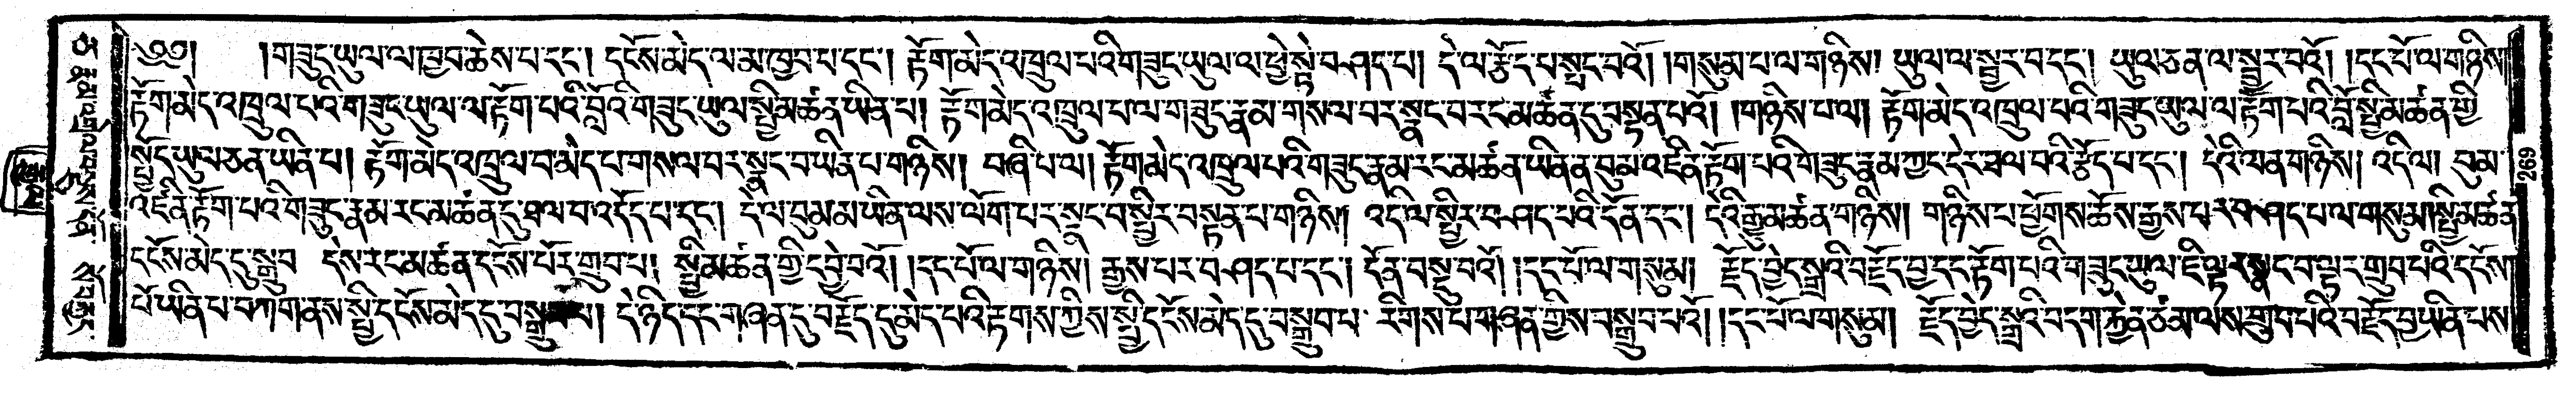༄༅། །གཟུང་ཡུལ་ལ་ཁྱབ་ཆེས་པ་དང་། དངོས་མེད་ལ་མ་ཁྱབ་པ་དང་། རྟོག་མེད་འཁྲུལ་པའི་གཟུང་ཡུལ་ལ་ཕྱེ་སྟེ་བཤད་པ། དེ་ལ་རྩོད་པ་སྤང་བའོ། །གསུམ་པ་ལ་གཉིས། ཡུལ་ལ་སྦྱར་བ་དང་། ཡུལ་ཅན་ལ་སྦྱར་བའོ། །དང་པོ་ལ་གཉིས།
རྟོག་མེད་འཁྲུལ་པའི་གཟུང་ཡུལ་ལ་རྟོག་པའི་བློའི་གཟུང་ཡུལ་སྤྱི་མཚན་ཡིན་པ། རྟོག་མེད་འཁྲུལ་པ་ལ་གཟུང་རྣམ་གསལ་བར་སྣང་བ་རང་མཚན་དུ་བསྟན་པའོ། །གཉིས་པ་ལ། རྟོག་མེད་འཁྲུལ་པའི་གཟུང་ཡུལ་ལ་རྟོག་པའི་བློ་སྤྱི་མཚན་གྱི་
སྤྱོད་ཡུལ་ཅན་ཡིན་པ། རྟོག་མེད་འཁྲུལ་པ་མེད་པ་གསལ་བར་སྣང་བ་ཡིན་པ་གཉིས། བཞི་པ་ལ། རྟོག་མེད་འཁྲུལ་པའི་གཟུང་རྣམ་རང་མཚན་ཡིན་ན་བུམ་འཛིན་རྟོག་པའི་གཟུང་རྣམ་ཀྱང་དེར་ཐལ་བའི་རྩོད་པ་དང་། དེའི་ལན་གཉིས། འདི་ལ། བུམ་
འཛིན་རྟོག་པའི་གཟུང་རྣམ་རང་མཚན་དུ་ཐལ་བ་འདོད་པ་དང་། དེ་ལ་བུམ་མ་ཡིན་ལས་ལོག་པར་སྣང་བ་སྤྱིར་བསྟན་པ་གཉིས། འདི་ལ་སྤྱིར་བཤད་པའི་དོན་དང་། དེའི་རྒྱུ་མཚན་གཉིས། གཉིས་པ་ཕྱོགས་ཆོས་རྒྱས་པར་བཤད་པ་ལ་གསུམ། སྤྱི་མཚན་
དངོས་མེད་དུ་སྒྲུབ། དེས་རང་མཚན་དངོས་པོར་གྲུབ་པ། སྤྱི་མཚན་གྱི་དབྱེ་བའོ། །དང་པོ་ལ་གཉིས། རྒྱས་པར་བཤད་པ་དང་། དོན་བསྡུ་བའོ། །དང་པོ་ལ་གསུམ། རྗོད་བྱེད་སྒྲའི་བརྗོད་བྱ་དང་རྟོག་པའི་གཟུང་ཡུལ་ཇི་ལྟར་སྣང་བ་ལྟར་གྲུབ་པའི་དངོས་
པོ་ཡིན་པ་བཀག་ནས་སྤྱི་དངོས་མེད་དུ་བསྒྲུབ་པ། དེ་ཉིད་དང་གཞན་དུ་བརྗོད་དུ་མེད་པའི་རྟགས་ཀྱིས་སྤྱི་དངོས་མེད་དུ་བསྒྲུབ་པ་རིགས་པ་གཞན་གྱིས་བསྒྲུབ་པའོ། །དང་པོ་ལ་གསུམ། རྗོད་བྱེད་སྒྲའི་བདག་རྐྱེན་ཙམ་ལས་གྲུབ་པའི་བརྗོད་བྱ་ཡིན་པས་